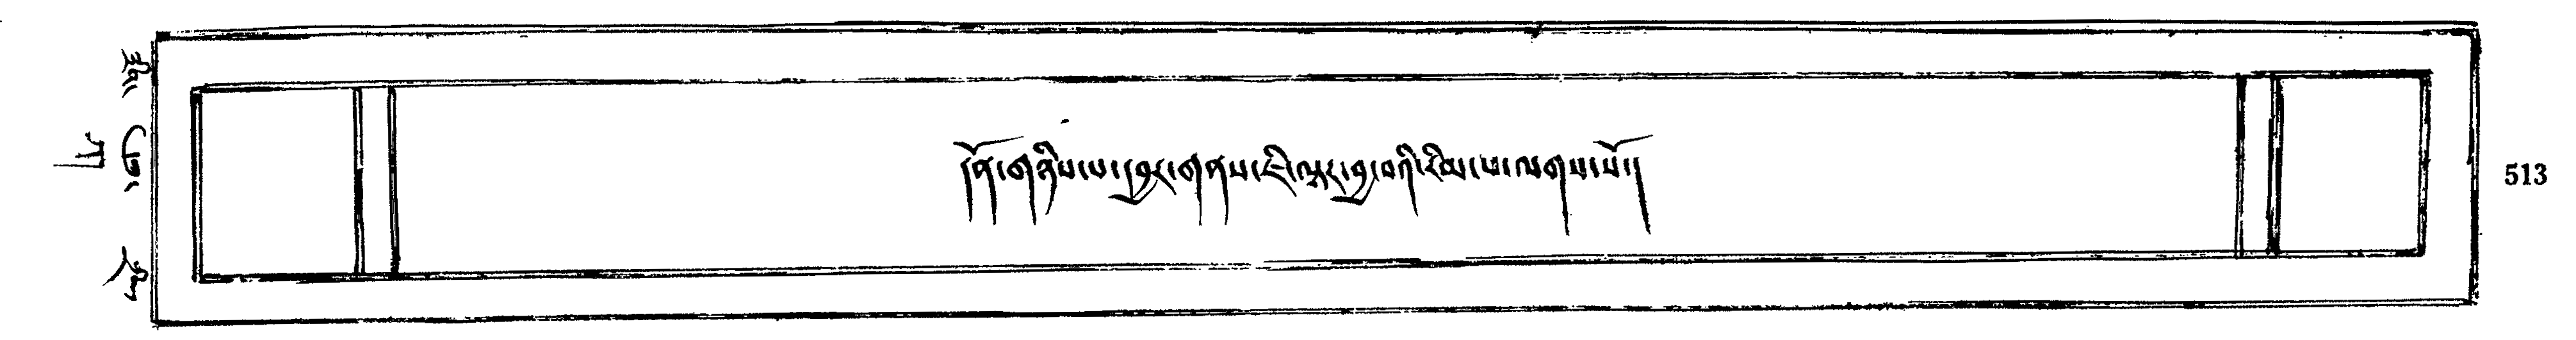དོན་གཉིས་པ་དབྱར་གནས་ཇི་ལྟར་བྱ་བའི་རིམ་པ་ལགས་སོ།།